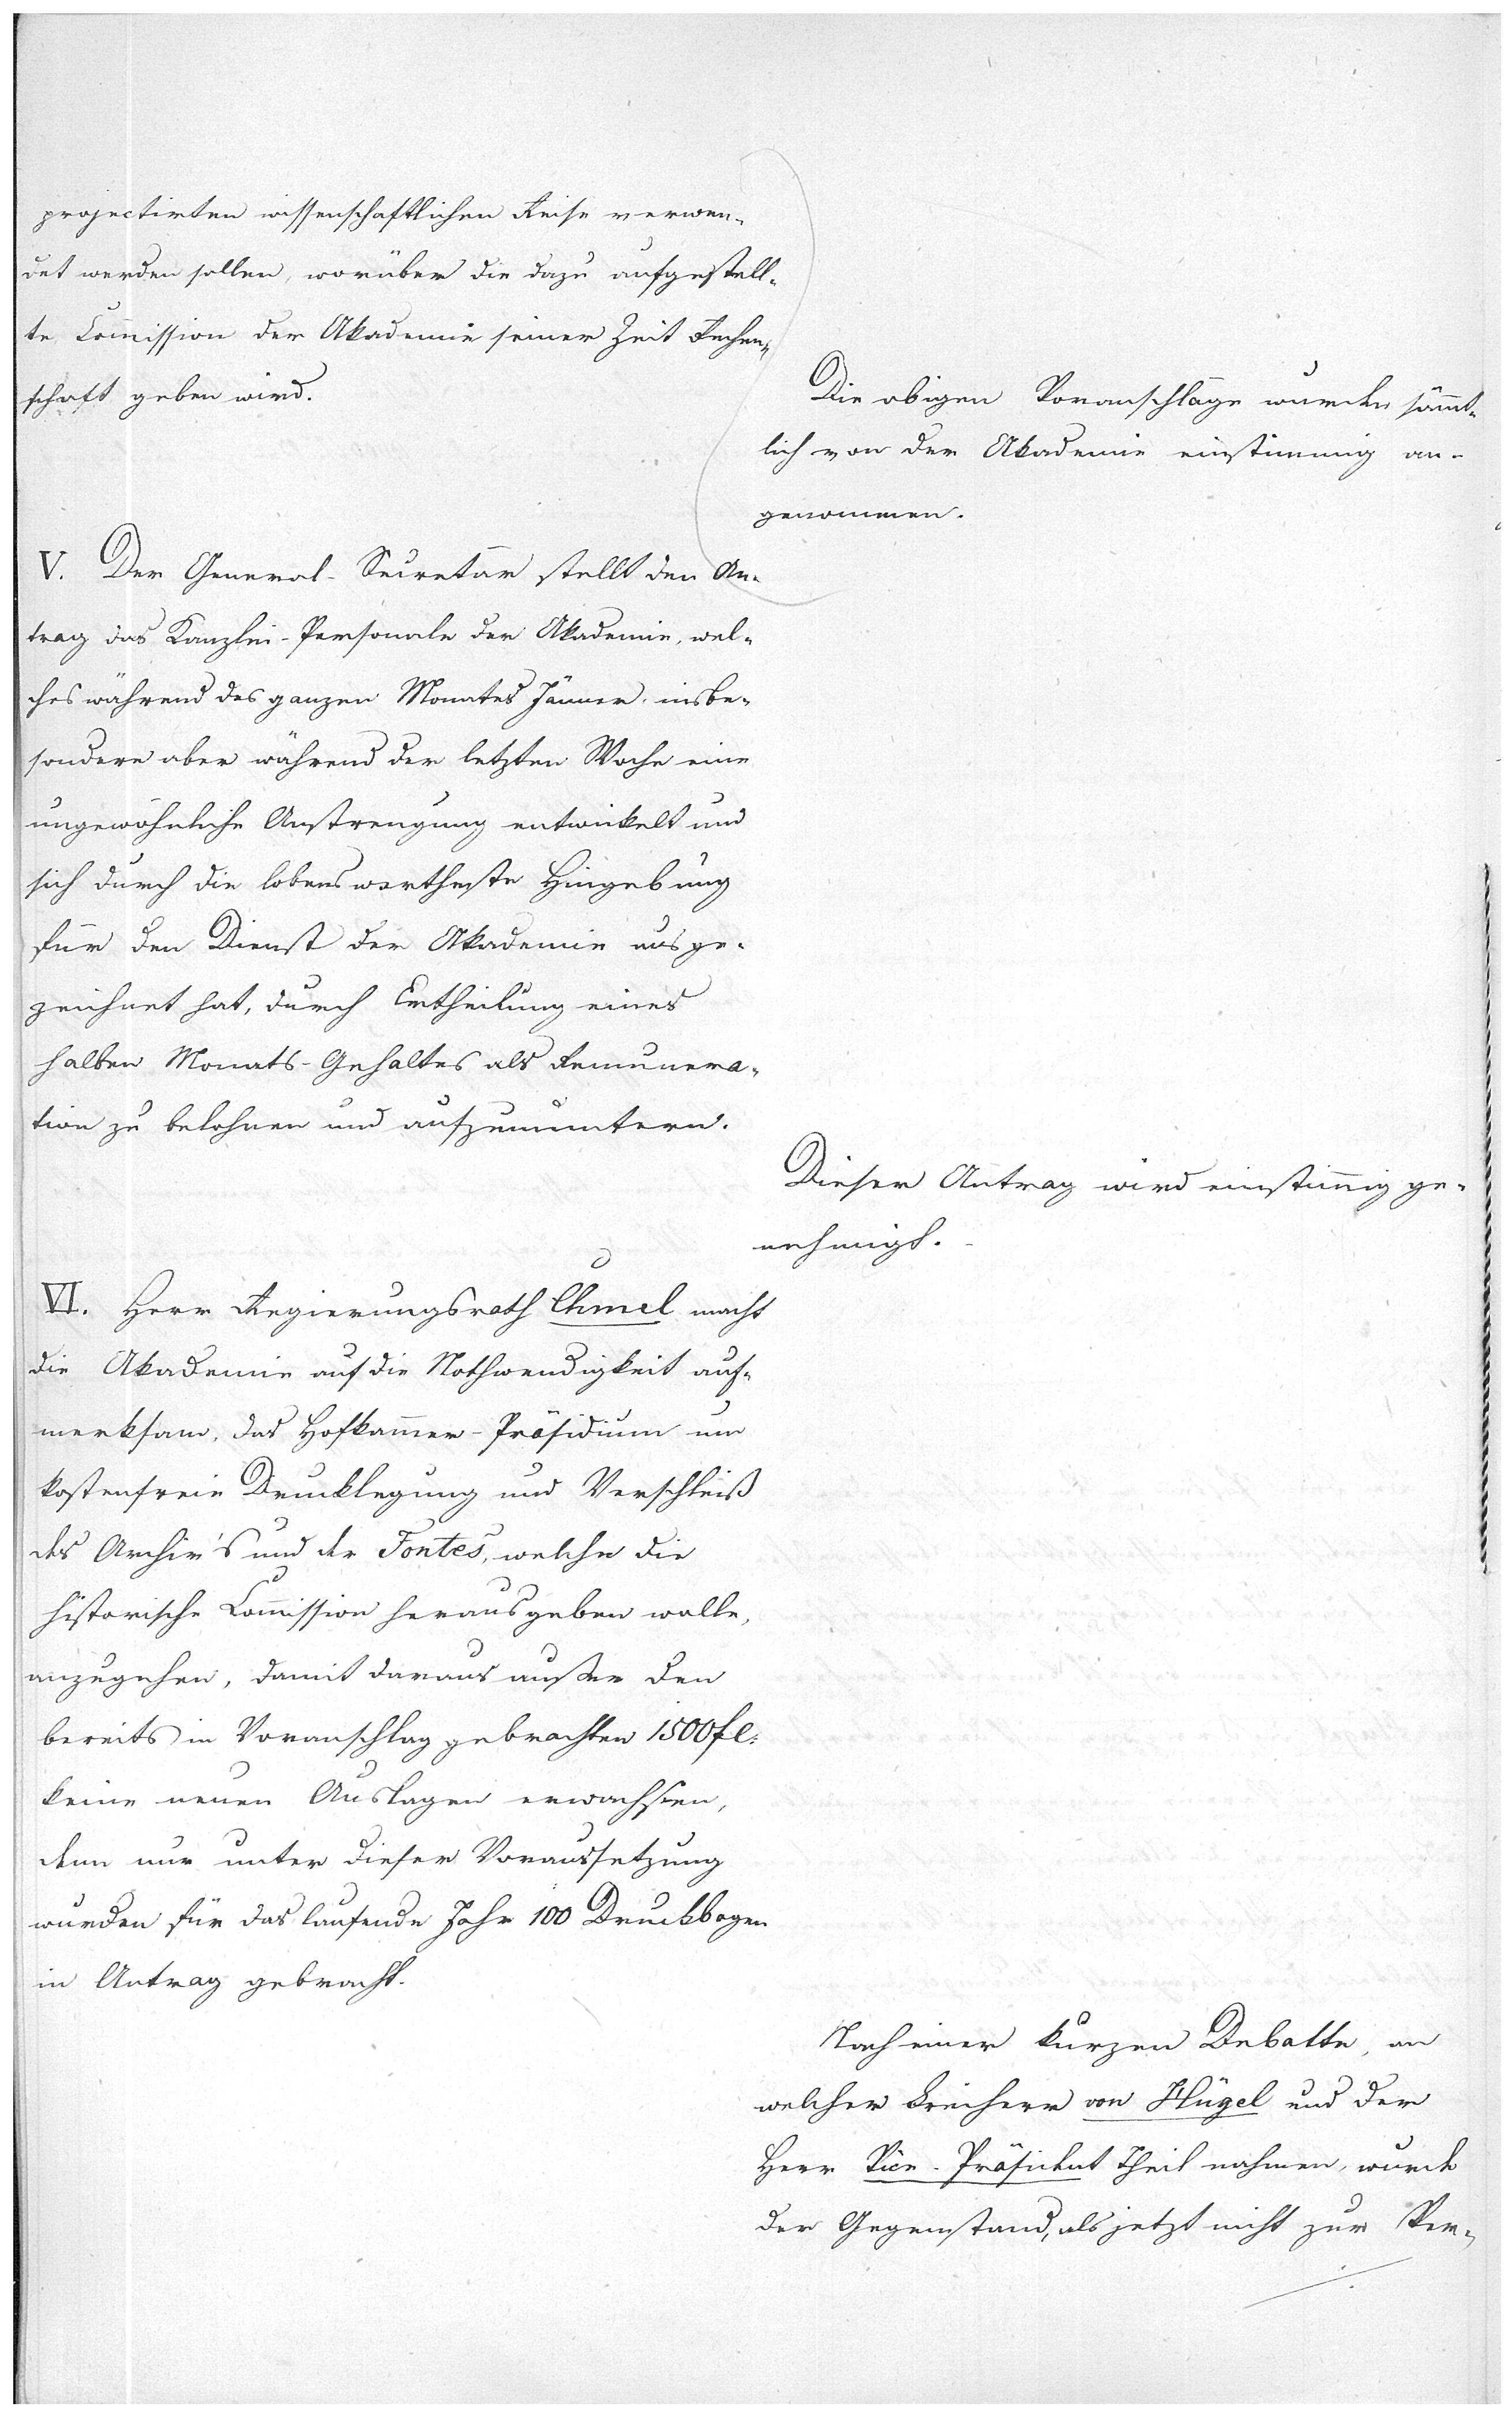projectirten wissenschaftlichen Reise verwen-
det werden sollen, worüber die dazu aufgestellte
Commission der Akademie seiner Zeit Rechen-
schaft geben wird.
Die obigen Voranschläge wurden sämmt-
lich von der Akademie einstimmig an-
genommen.
V. Der General-Secretär stellt den An-
trag das Kanzlei-Personale der Akademie, wel-
ches während des ganzen Monates Jänner insbe-
sondere aber während der letzten Woche eine
ungewöhnliche Anstrengung entwickelt und
sich durch die lobenswertheste Hingebung
für den Dienst der Akademie ausge-
zeichnet hat, durch Ertheilung eines
halben Monats-Gehaltes als Remunera-
tion zu belohnen und aufzumuntern.
Dieser Antrag wird einstimmig ge-
nehmigt.
VI. Herr Regierungsrath Chmel macht
die Akademie auf die Nothwendigkeit auf-
merksam, das Hofkammer-Präsidium um
kostenfreie Drucklegung und Verschleiß
des Archiv's und der Fontes, welche die
historische Commission herausgeben wolle,
anzugehen, damit daraus außer den
bereits in Voranschlag gebrachten 1500 fl.
keine neuen Auslagen erwachsen,
denn nur unter dieser Voraussetzung
wurden für das laufende Jahr 100 Druckbogen
in Antrag gebracht.
Nach einer kurzen Debatte, an
welcher Freiherr von Hügel und der
Herr Vice-Präsident Theil nahmen, wurde
der Gegenstand, als jetzt nicht zur Ver-